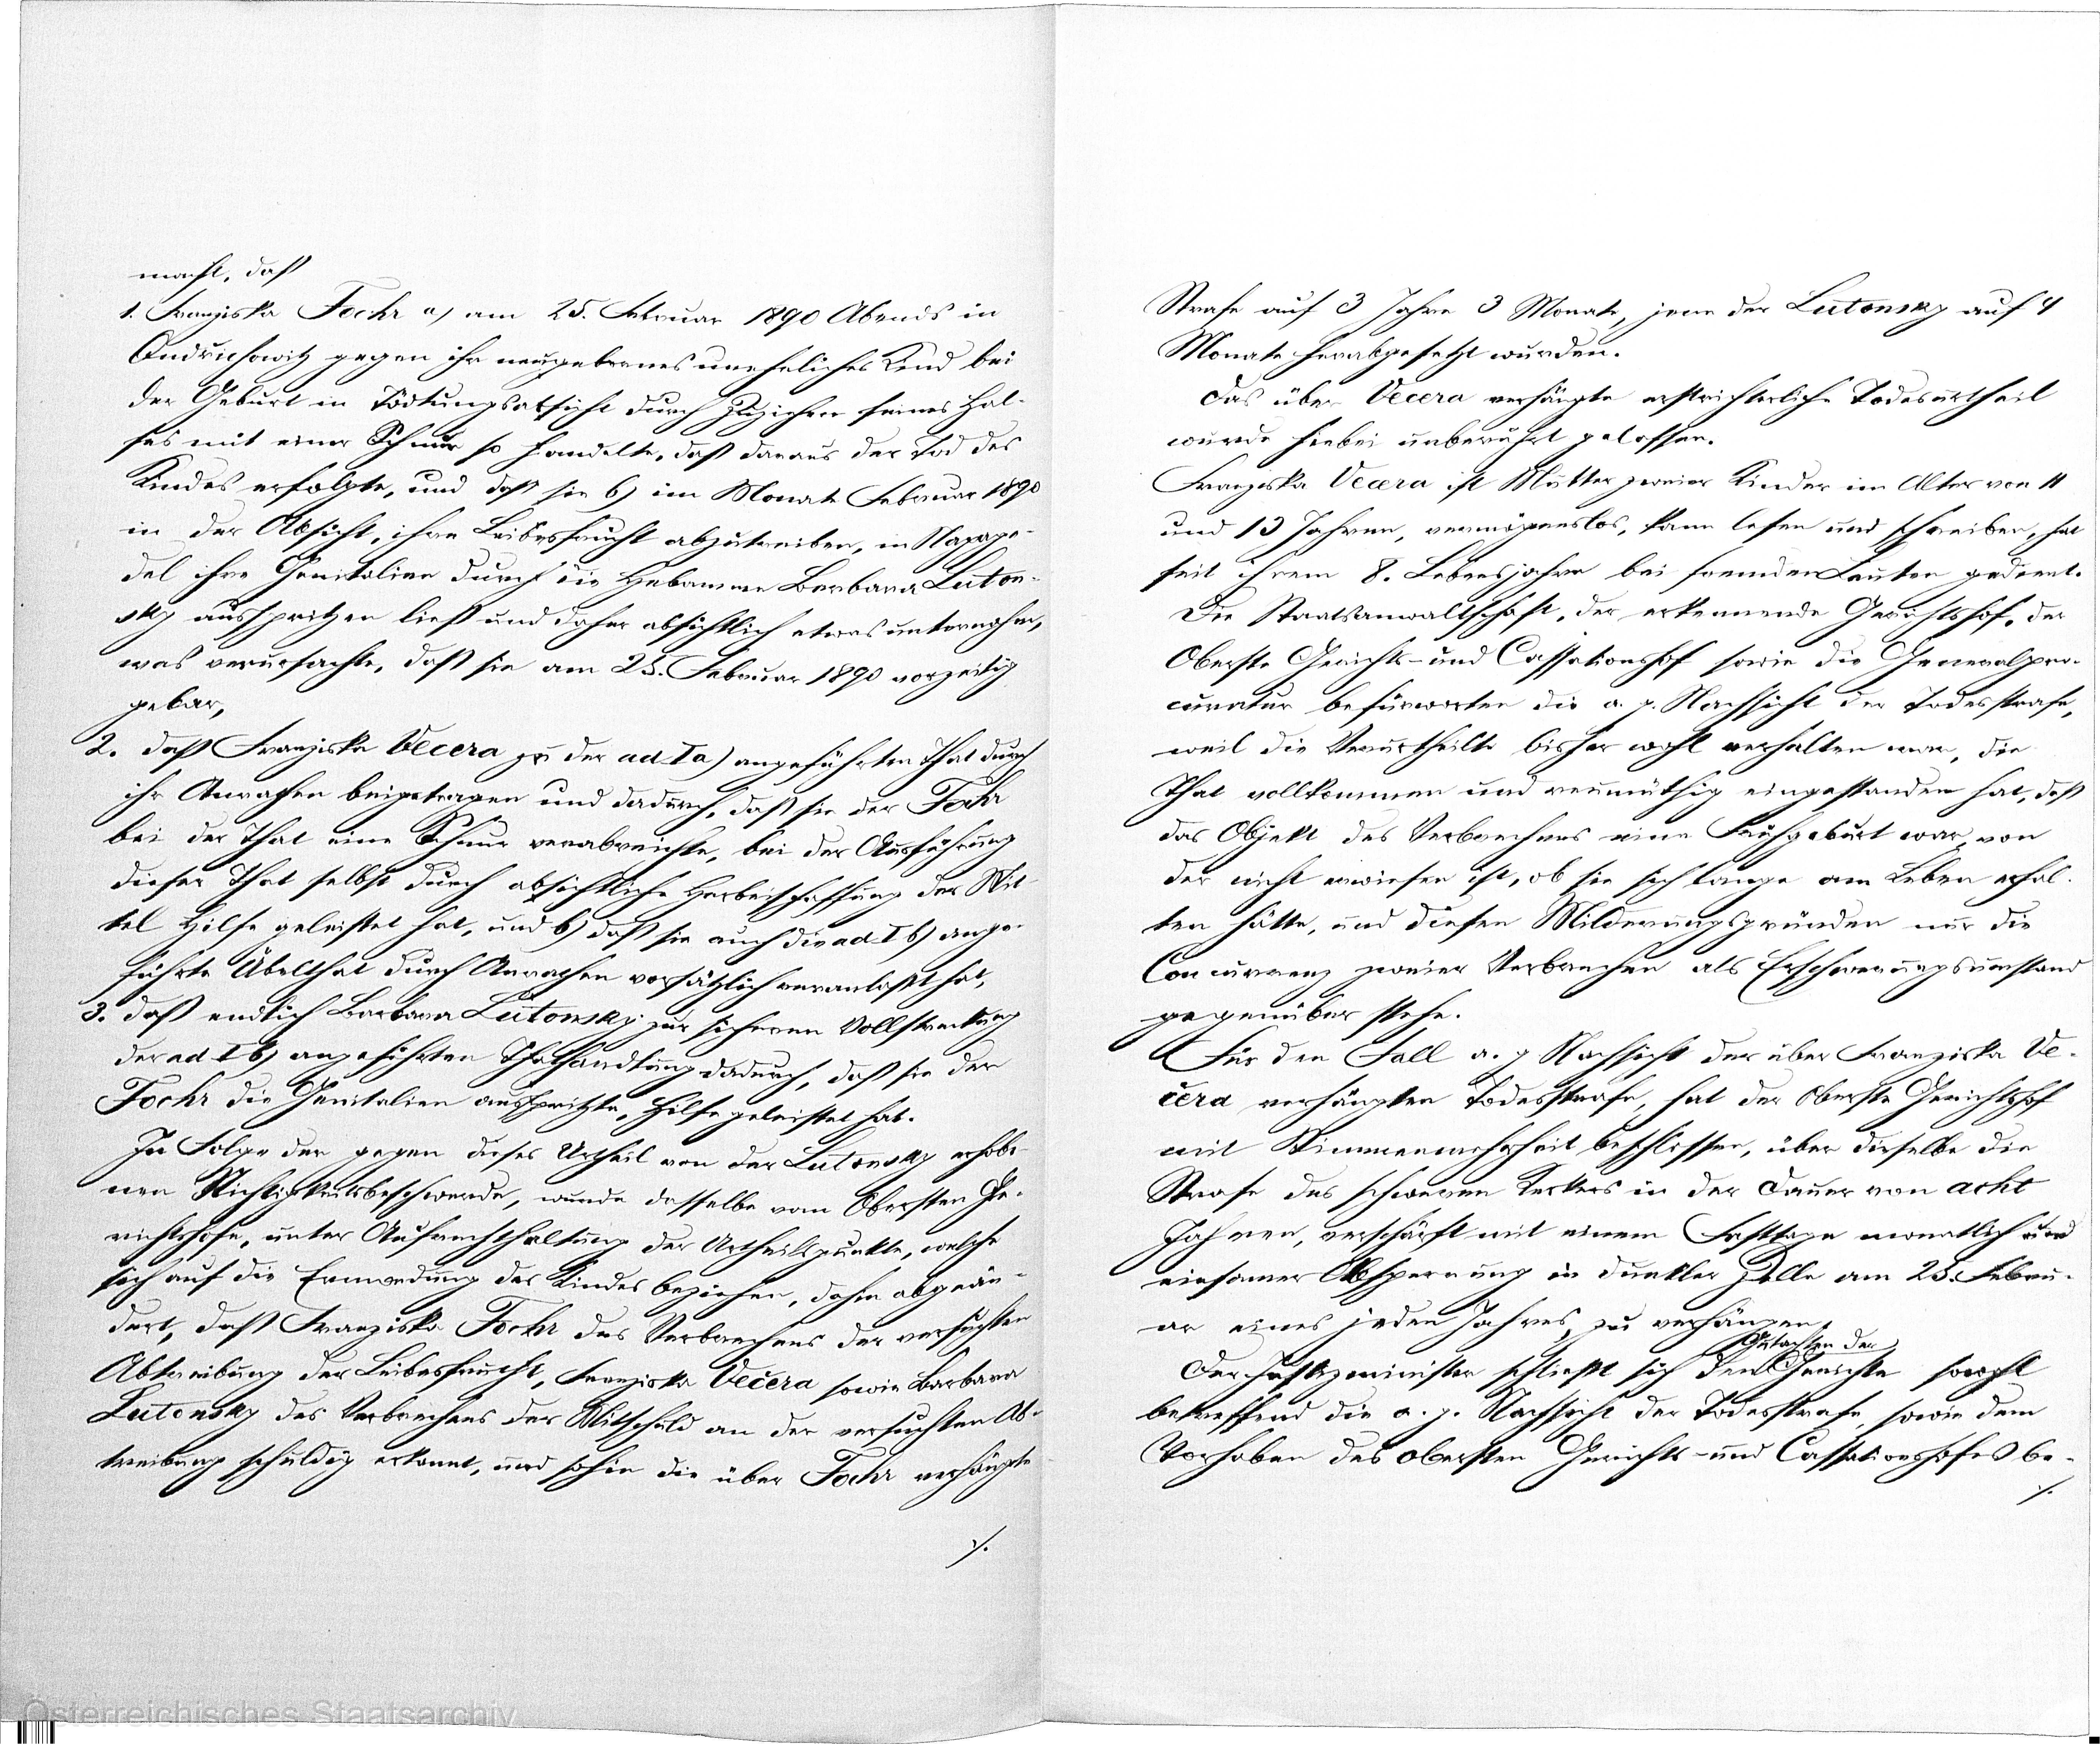gemacht, daß
1. Franziska Foehr a) am 25. Februar 1890 Abends in
Andrichowitz gegen ihr neugeborenes uneheliches Kind bei
der Geburt in Tödtungsabsicht durch Zuziehen seines Hal¬
ses mit einer Schnur so handelte, daß daraus der Tod des
Kindes erfolgte, und daß sie b) im Monate Februar 1890
in der Absicht, ihre Leibesfrucht abzutreiben, in Napage¬
dal ihre Genitalien durch die Hebamme Barbara Luton¬
sky ausspritzen ließ und daher absichtlich etwas unternahm,
was verursachte, daß sie am 25. February 1890 vorzeitig
gebar,
2. daß Franziska Večera zu der ad Ia angeführten That durch
ihr Anrathen beigetragen und dadurch, daß sie der Foehr
bei der That eine Schnur verabreichte, bei der Ausführung
dieser That selbst durch absichtliche Herbeischaffung der Mit¬
tel Hilfe geleistet hat, und b) daß sie auch die ad Ib) ange¬
führte Übelthat durch Anrathen vorsätzlich veranlaßt hat,
3. daß endlich Barbara Lutonsky zur sicheren Vollstreckung
der ad Ib) angesicherten Thathandlung dadurch, daß sie der
Foehr die Genitalien ausspritzte, Hilfe geleistet hat.
In Folge der gegen dieses Urtheil von der Lutonsky erhobe¬
nen Richtigkeitsbeschwerden, wurde dasselbe vom Obersten Ge¬
richtshofe, unter Ausverschaltung der Urtheilspunkte, welche
sich auf die Ermordung des Kindes beziehen, dahin abgeän¬
dert, daß Franziska Foehr des Verbrechens der versuchten
Abtreibung der Leibesfrucht, Franziska Večera sowie Barbara
Lutonsky des Verbrechens der Mitschuld an der versuchten Ab¬
treibung schuldig erkannt, und sohin die über Foehr verhängte
Strafe auf 3 Jahre 3 Monate, jenen der Lutonsky auf 4
Monate herabgesetzt wurden.
Das über Večera verhängte erstrichterliche Todesurtheil
wurde hiebei unberührt gelassen.
Franziska Večera ist Mutter zweier Kinder im Alter von 11
und 13 Jahren, vermögenslos, kann lesen und schreiben, hat
seit ihrem 8. Lebensjahre bei fremden Leuten gedient.
Die Staatsanwaltschaft, der erkennende Gerichtshof, der
Oberste Gerichts- und Cassationshof sowie die Generalpro¬
curatur befürworten die a.g. Nachsicht der Todesstrafe
wie die Verurtheilte bisher wohl verhalten war, die
That vollkommen und reumüthig eingestanden hat, daß
das Objekt des Verbrechens einen Frühgeburt war, von
der nicht erwiesen ist, ob sie sich lange am Leben gehal¬
ten hätte, und diesen Milderungsgründen war die
Concurrenz zweier Verbrechen als Erschwerungsumstand
gegenüber stehe.
Für den Fall a.g. Nachsicht der über Franziska Ve¬
čera verhängte Todesstrafe, hat der Oberste Gerichtshof
mit Stimmungsmehrheit beschlossen, über dieselbe die
Strafe des Schweren Kerkers in der Dauer von acht
Jahren, verschärft mit einem Fasttage monatlich und
einsamer Besperrung in dunkler Zelle am 25. Febru¬
ar ines jeden Jahres zu erhängen.
Gutachten der
Der Justizminister schließt sich den Gerichte sowohl
betreffend die a.g. Nachischt er Todesstrafe, sowie dem
Vorhaben des obersten Gericht und Cassationshofes